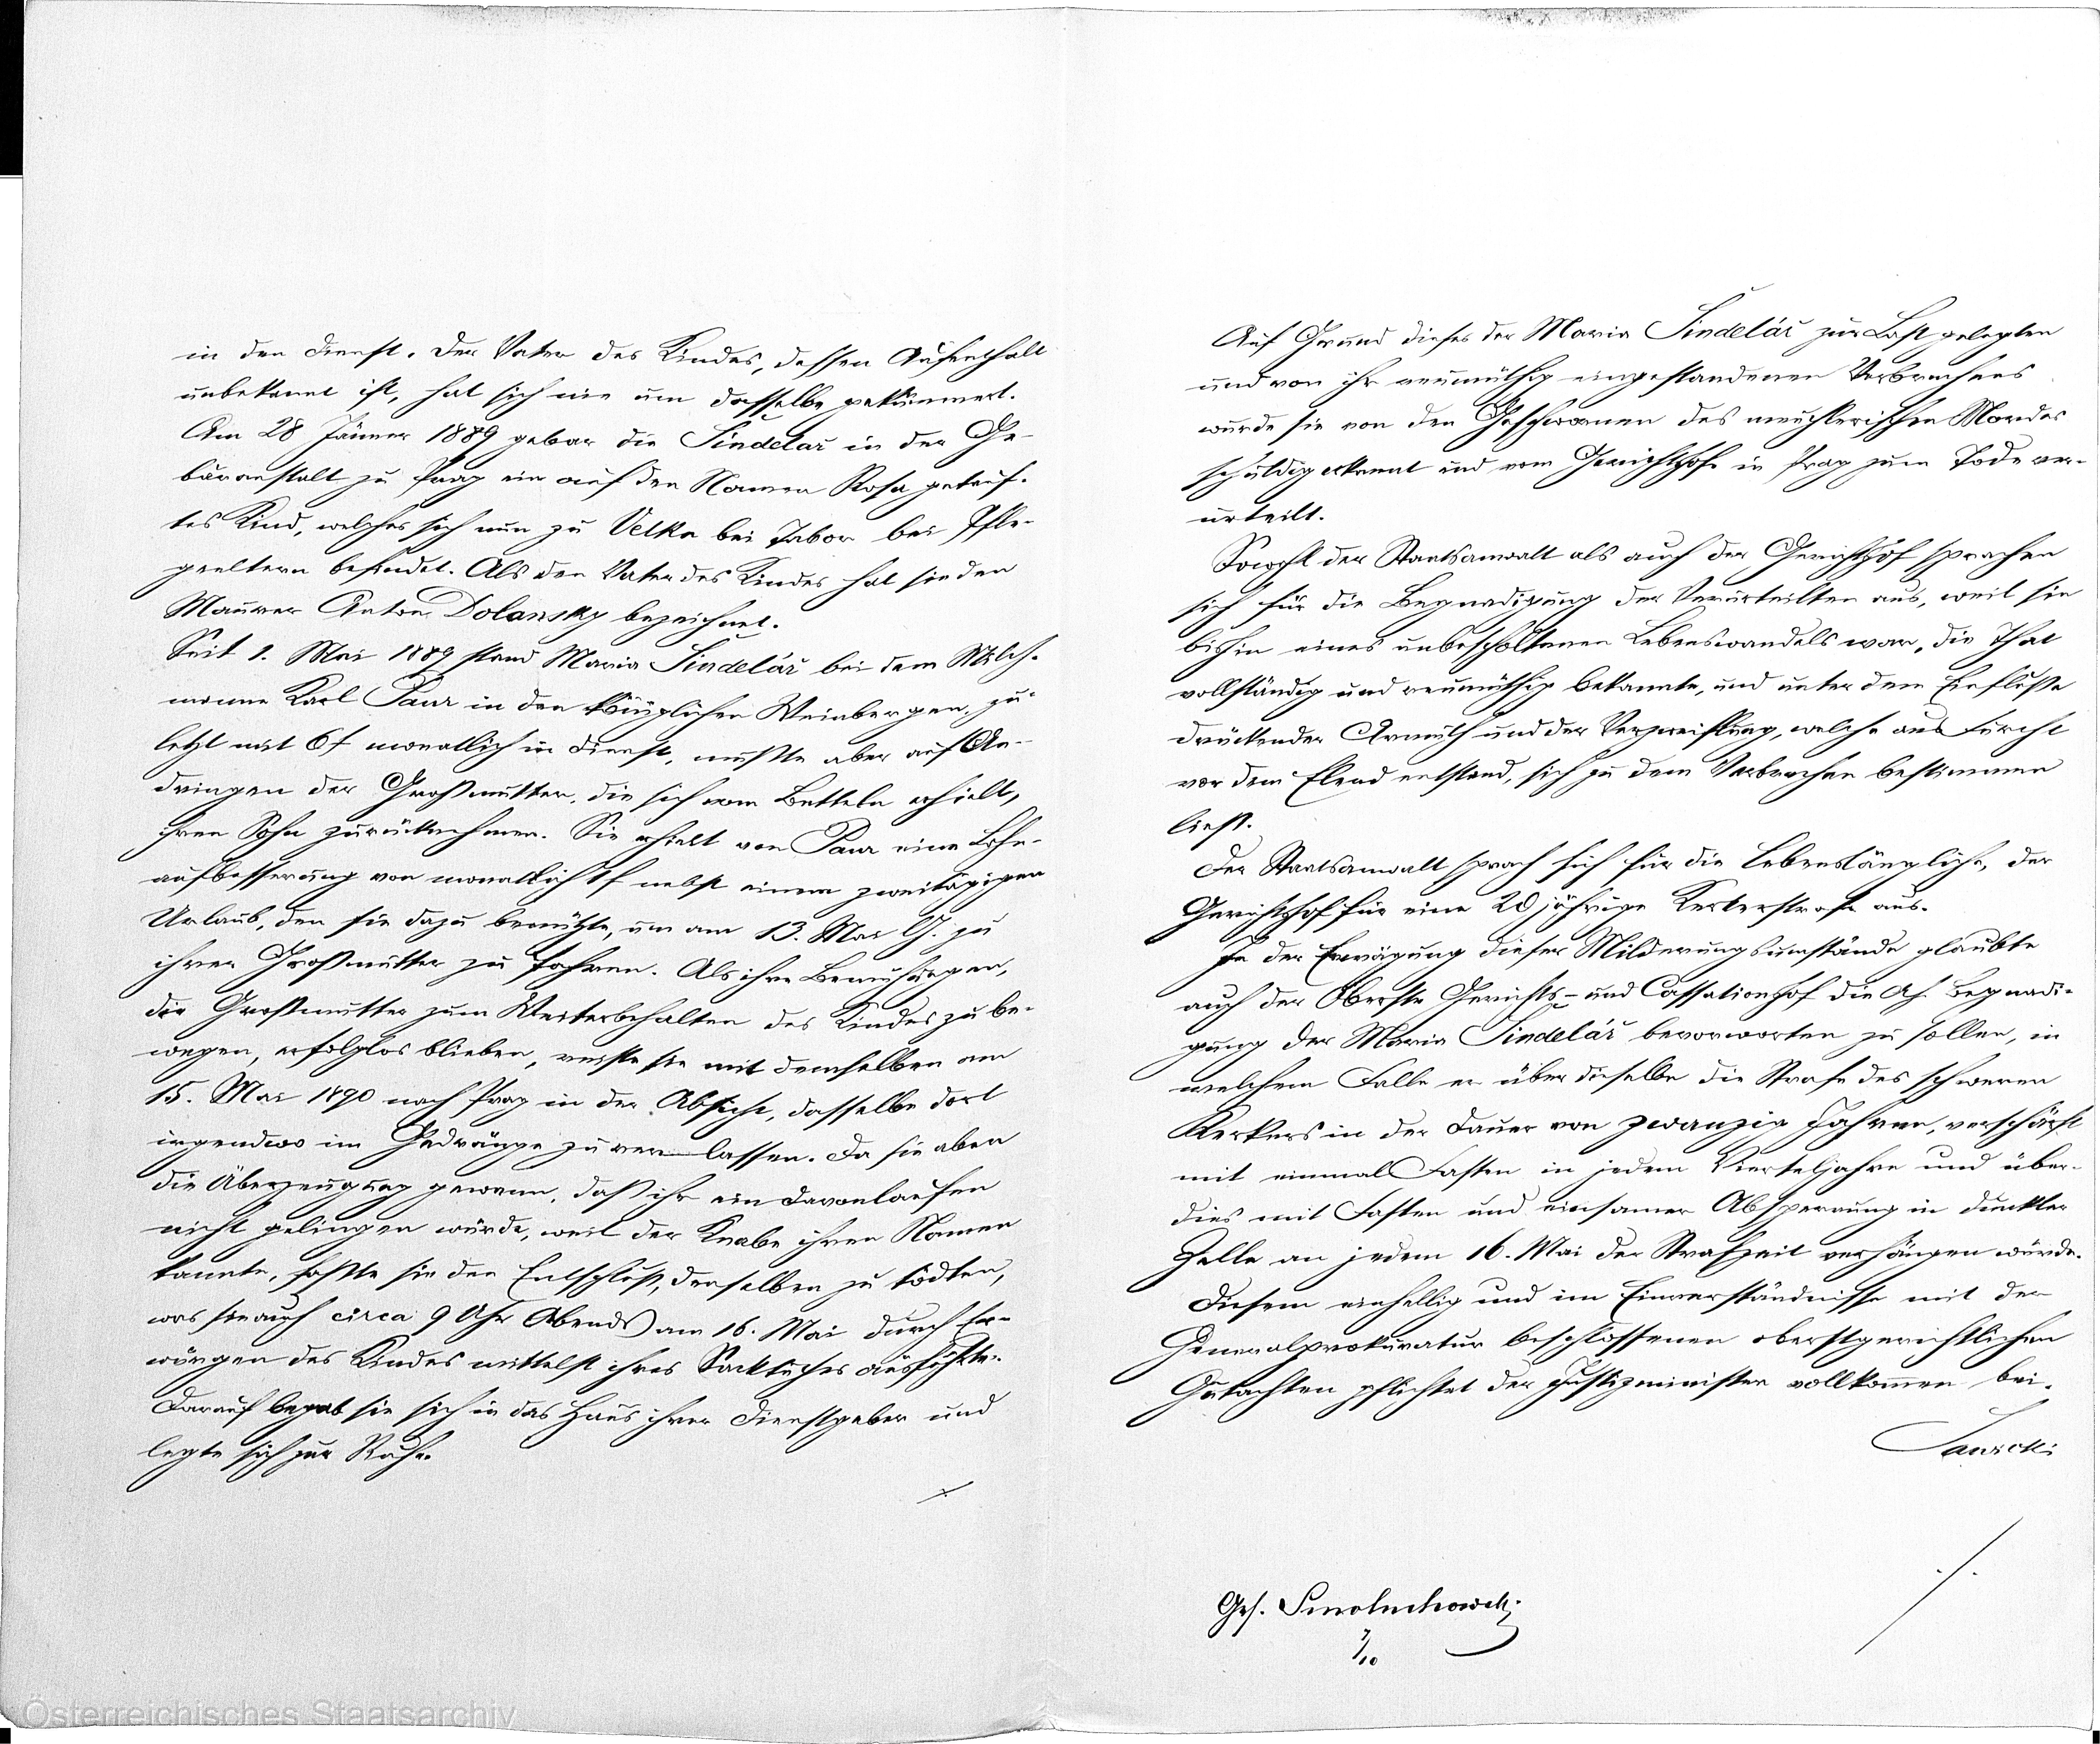in den Dienst, der Vater des Kindes, dessen Aufenthalt
unbekannt ist, hat sich xx um dasselbe gekümmert.
Am 28 Jänner 1889 gebar die Šindelař in der Ge¬
bxxanstalt zu Prag ein auf den Namen Rosa getauf¬
tes Kind, welches sich nun zu Velka bei Tabor bei Pfle¬
geeltern befindet. Als den Vater des Kindes hat sie den
Maurer Anton Dolansky bezeichnet.
Seit 1. Mai 1889 stand Maria Šindelař bei dem Milch.
xx Karl Paur in den xxplichen Weinbergen zu¬
letzt mit 6f monatlich in Dienst, mußte aber auf An¬
dringen der Großmutter, die sich vom Betteln erhielt,
ihren Sohn zurücknehmen. Sie erhielt von Paur eine Lehn¬
aufbesserung von monatlich 1f nebst einem zweitägigen
Urlaub, den sie dazu benützte, um am 13. Mai G. zu
ihren Großmutter zu Jahren. Als ihre Bexxgen,
die Großmutter zum Weiterbehalten des Kindes zu be¬
wegen, erfolglos blieben, reiste sie mit demselben am
15. Mai 1890 nach Prag in der Absicht, dasselbe dort
irgendwo im Gedränge zu verlassen. Da sie aber
die Überzeugung gewann, daß ihr ein Davonlaufen
nicht gelingen würde, weil der Knabe ihren Namen
kannte, faßte sie der Entschluß, denselben zu tödten,
was sie auch circa 9 Uhr Abends am 16. Mai durch Er¬
würgen des Kindes mittelst ihres Sacktuches ausführte.
Darauf begab sie sich in das Haus ihrer Dienstgeber und
legte sich zur Ruhe.
Auf Grund dieses der Maria Šindelař zu Last gelegten
und von ihr reumüthig eingestandenen Verbrechens
wurde sie von den Geschwornen des meuchlerischen Mordes
schuldig erkannt und vom Gerichthofe in Prag zum Tode ver¬
urteilt.
Sowohl der Staatsanwalt als auch der Gerichtshof sprachen
sich für die Begnadigung der Verurteilten aus, weil sie
biß in eines unbescholtenen Lebenswandels war, die That
vollständig und reumüthig bekannte, und unter dem Einfluße
Drückender xx und der Verzweiflung, welche aus Furcht
vor dem Elend entstand, sich zu dem Verbrochen bestimmen
ließ.
Der Staatsanwalt sprach sich für die Lebenslängliche, der
Gerichtshof für eine 20jährige Kerkerstrafe aus.
In der Erwägung dieser Milderungsumstände glaubte
auch der Oberste Gerichts- und Cassationshof die Ah Begnadi¬
gung der Maria Šindelař bevorworten zu sollen, in
welchem Falle er über dieselbe die Strafe des schweren
Kerkers in der Dauer von zwanzig Jahren, verschärft
mit einmal Fasten in jedem Vierteljahre und über¬
dies mit Fasten und einsamer Absperrung in Dunkler
Zelle an jedem 16. Mai der Strafzeit verhängen würde.
Diesem einhellig und im Einverständnisse mit der
Generalprokuratur beschlossenen oberstgerichtlichen
Gutachten pflichtet der Justizminister vollkommen bei.
Sawicki
Ges. Smolmxx
7/10